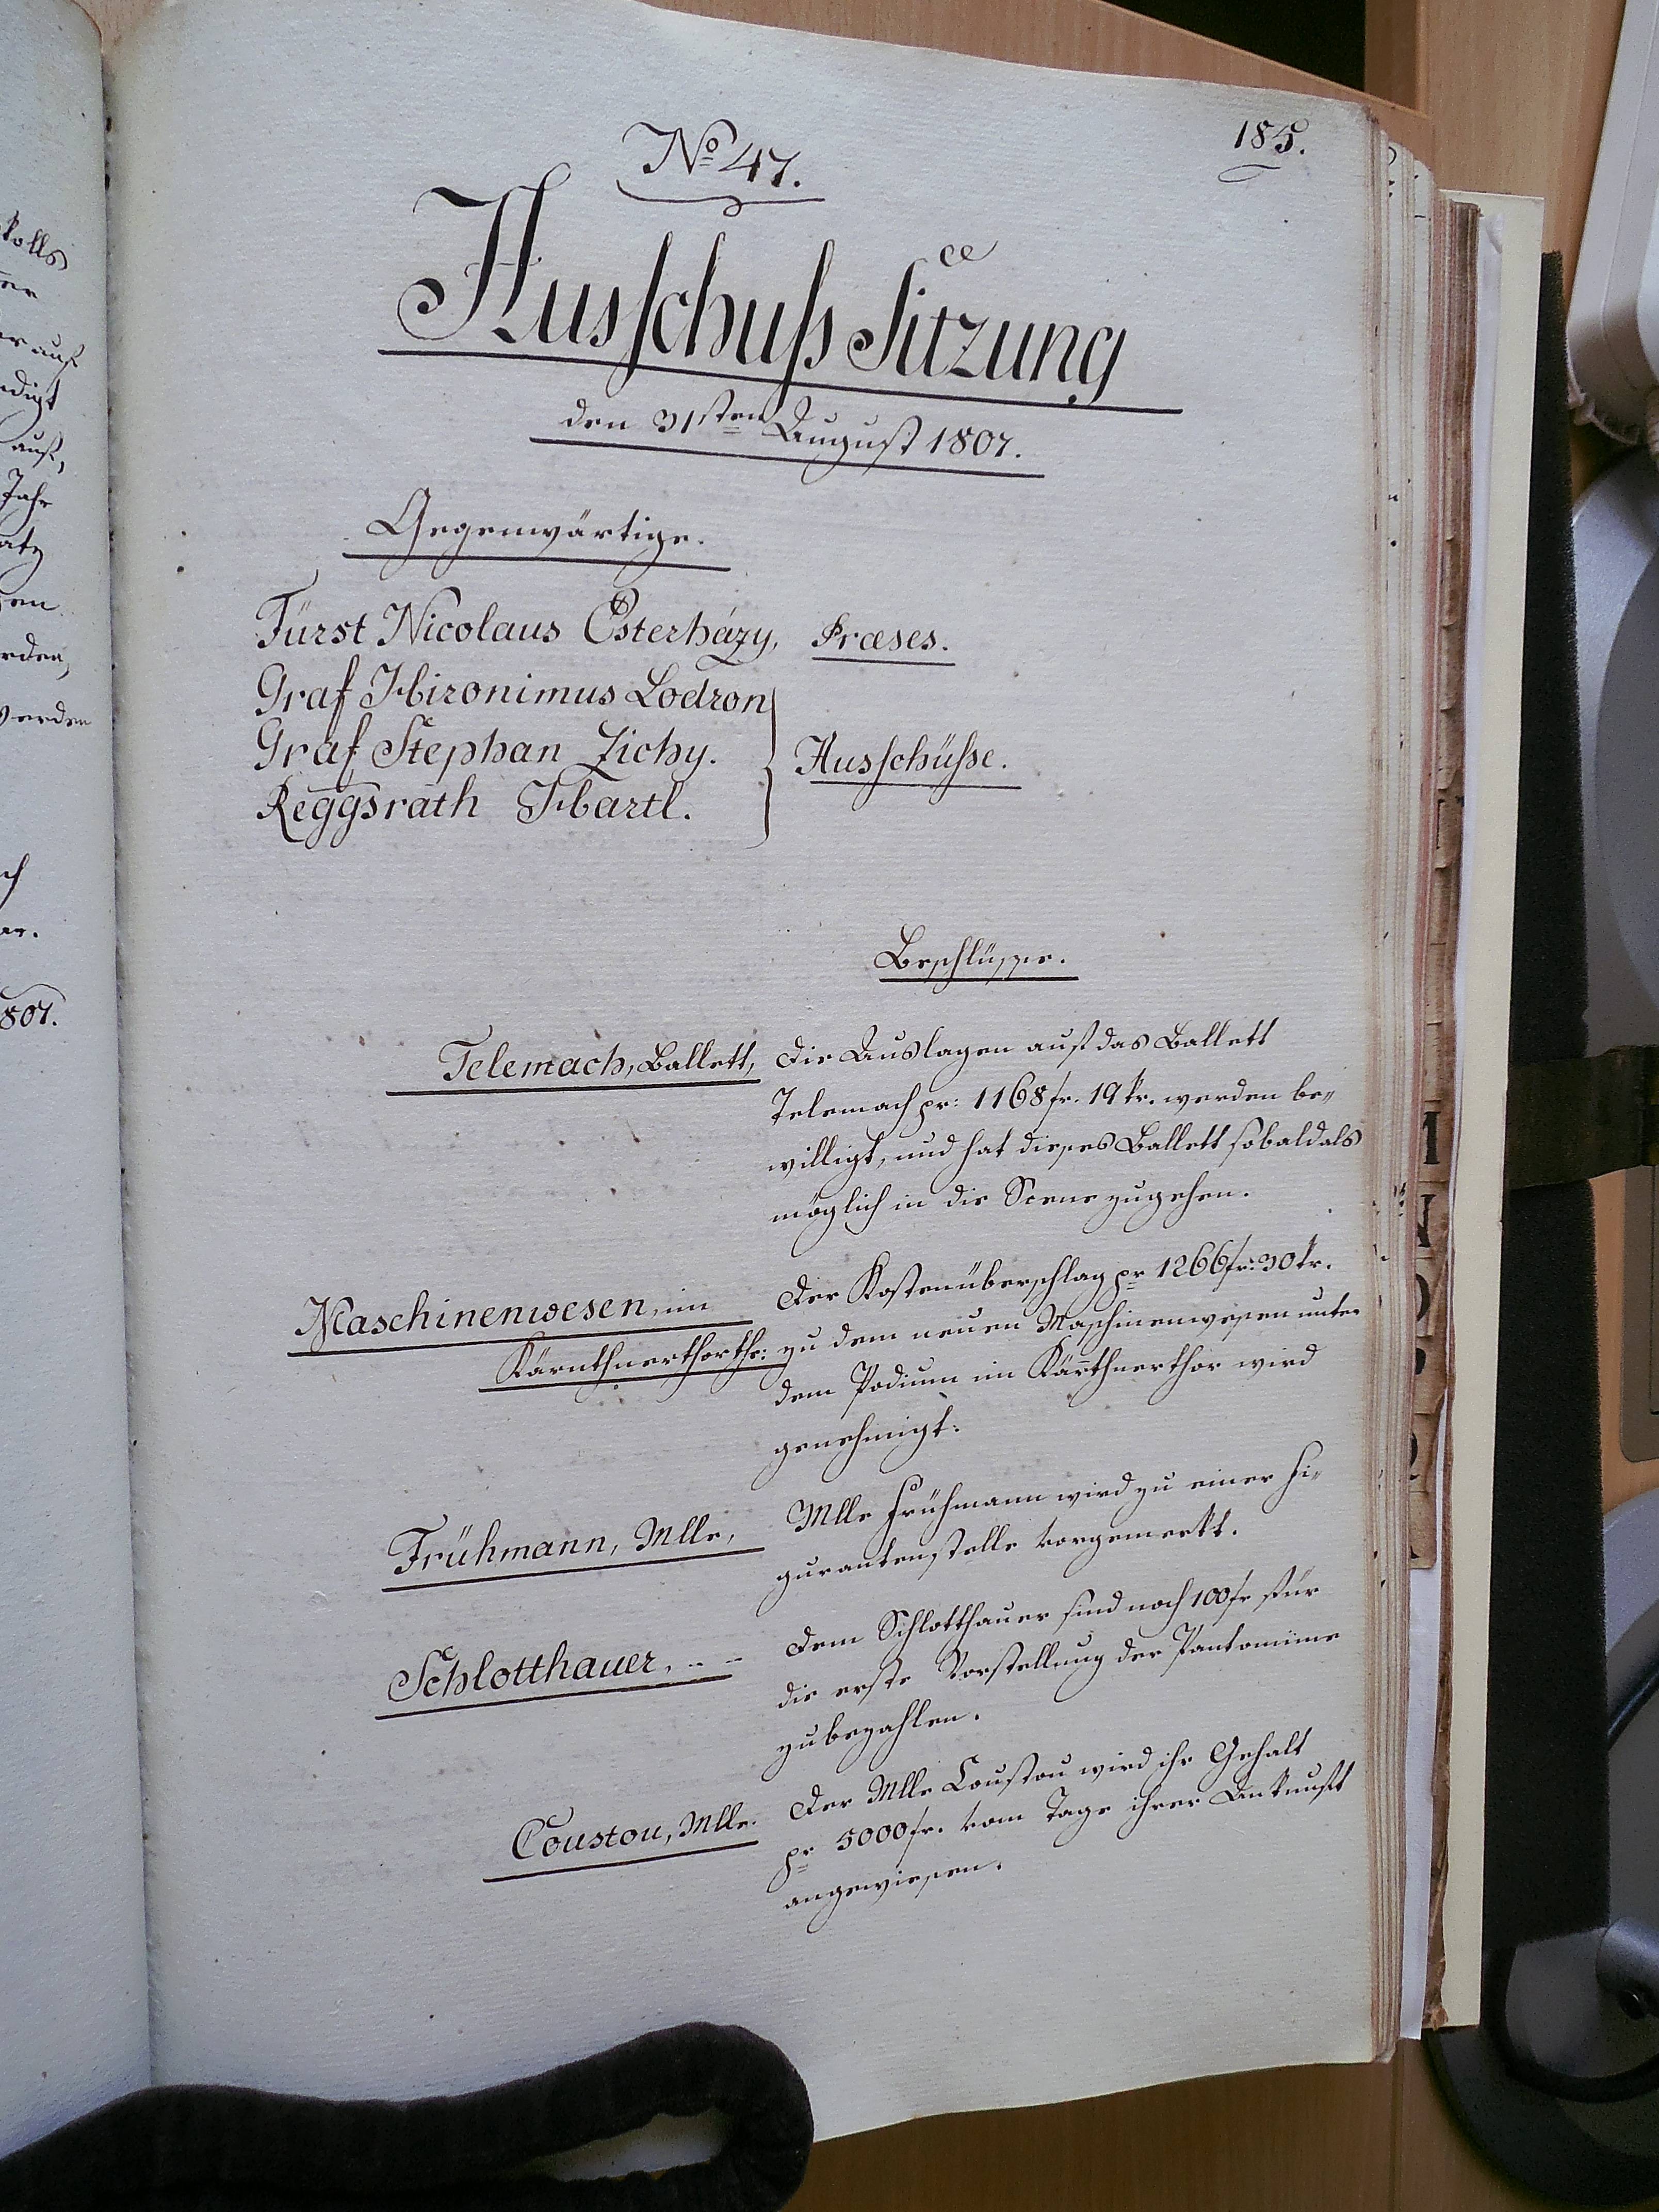185.
No͇ 47.
Ausschuss Sitzung
den 31ste͇n August 1807.
Gegenwärtige.
Fürst Nicolaus Esterházy Præses.
Graf Hironimus Lodron
Graf Stephan Zichy.
Reg͞gsrath Hartl.
Ausschüsse.
Beschlüsse.
Telemach, Ballett, Die Auslagen auf das Ballett
Telemach pr: 1168fr. 19kr. werden be¬
willigt, und hat dieses Ballett sobald als
möglich in die Scene zugehen.
Maschinenwesen, im
Kärnthnerthorthe:
Der Kostenüberschlag pr͇ 1266fr. 30kr..
zu dem neuen Maschinenwesen unter
dem Podium im Kärthnerthor wird
genehmigt.
Frühmann, Mlle, Mlle Frühmann wird zu einer Fi¬
gurantenstelle vorgemerkt.
Schlotthauer. .. .. Dem Schlotthauer sind noch 100fr. für
die erste Vorstellung der Pantomime
zubezahlen.
Coustou, Mlle. Der Mlle Coustou wird ihr Gehalt
pr͇ 5000fr. vom Tage ihrer Ankunft
angewiesen.